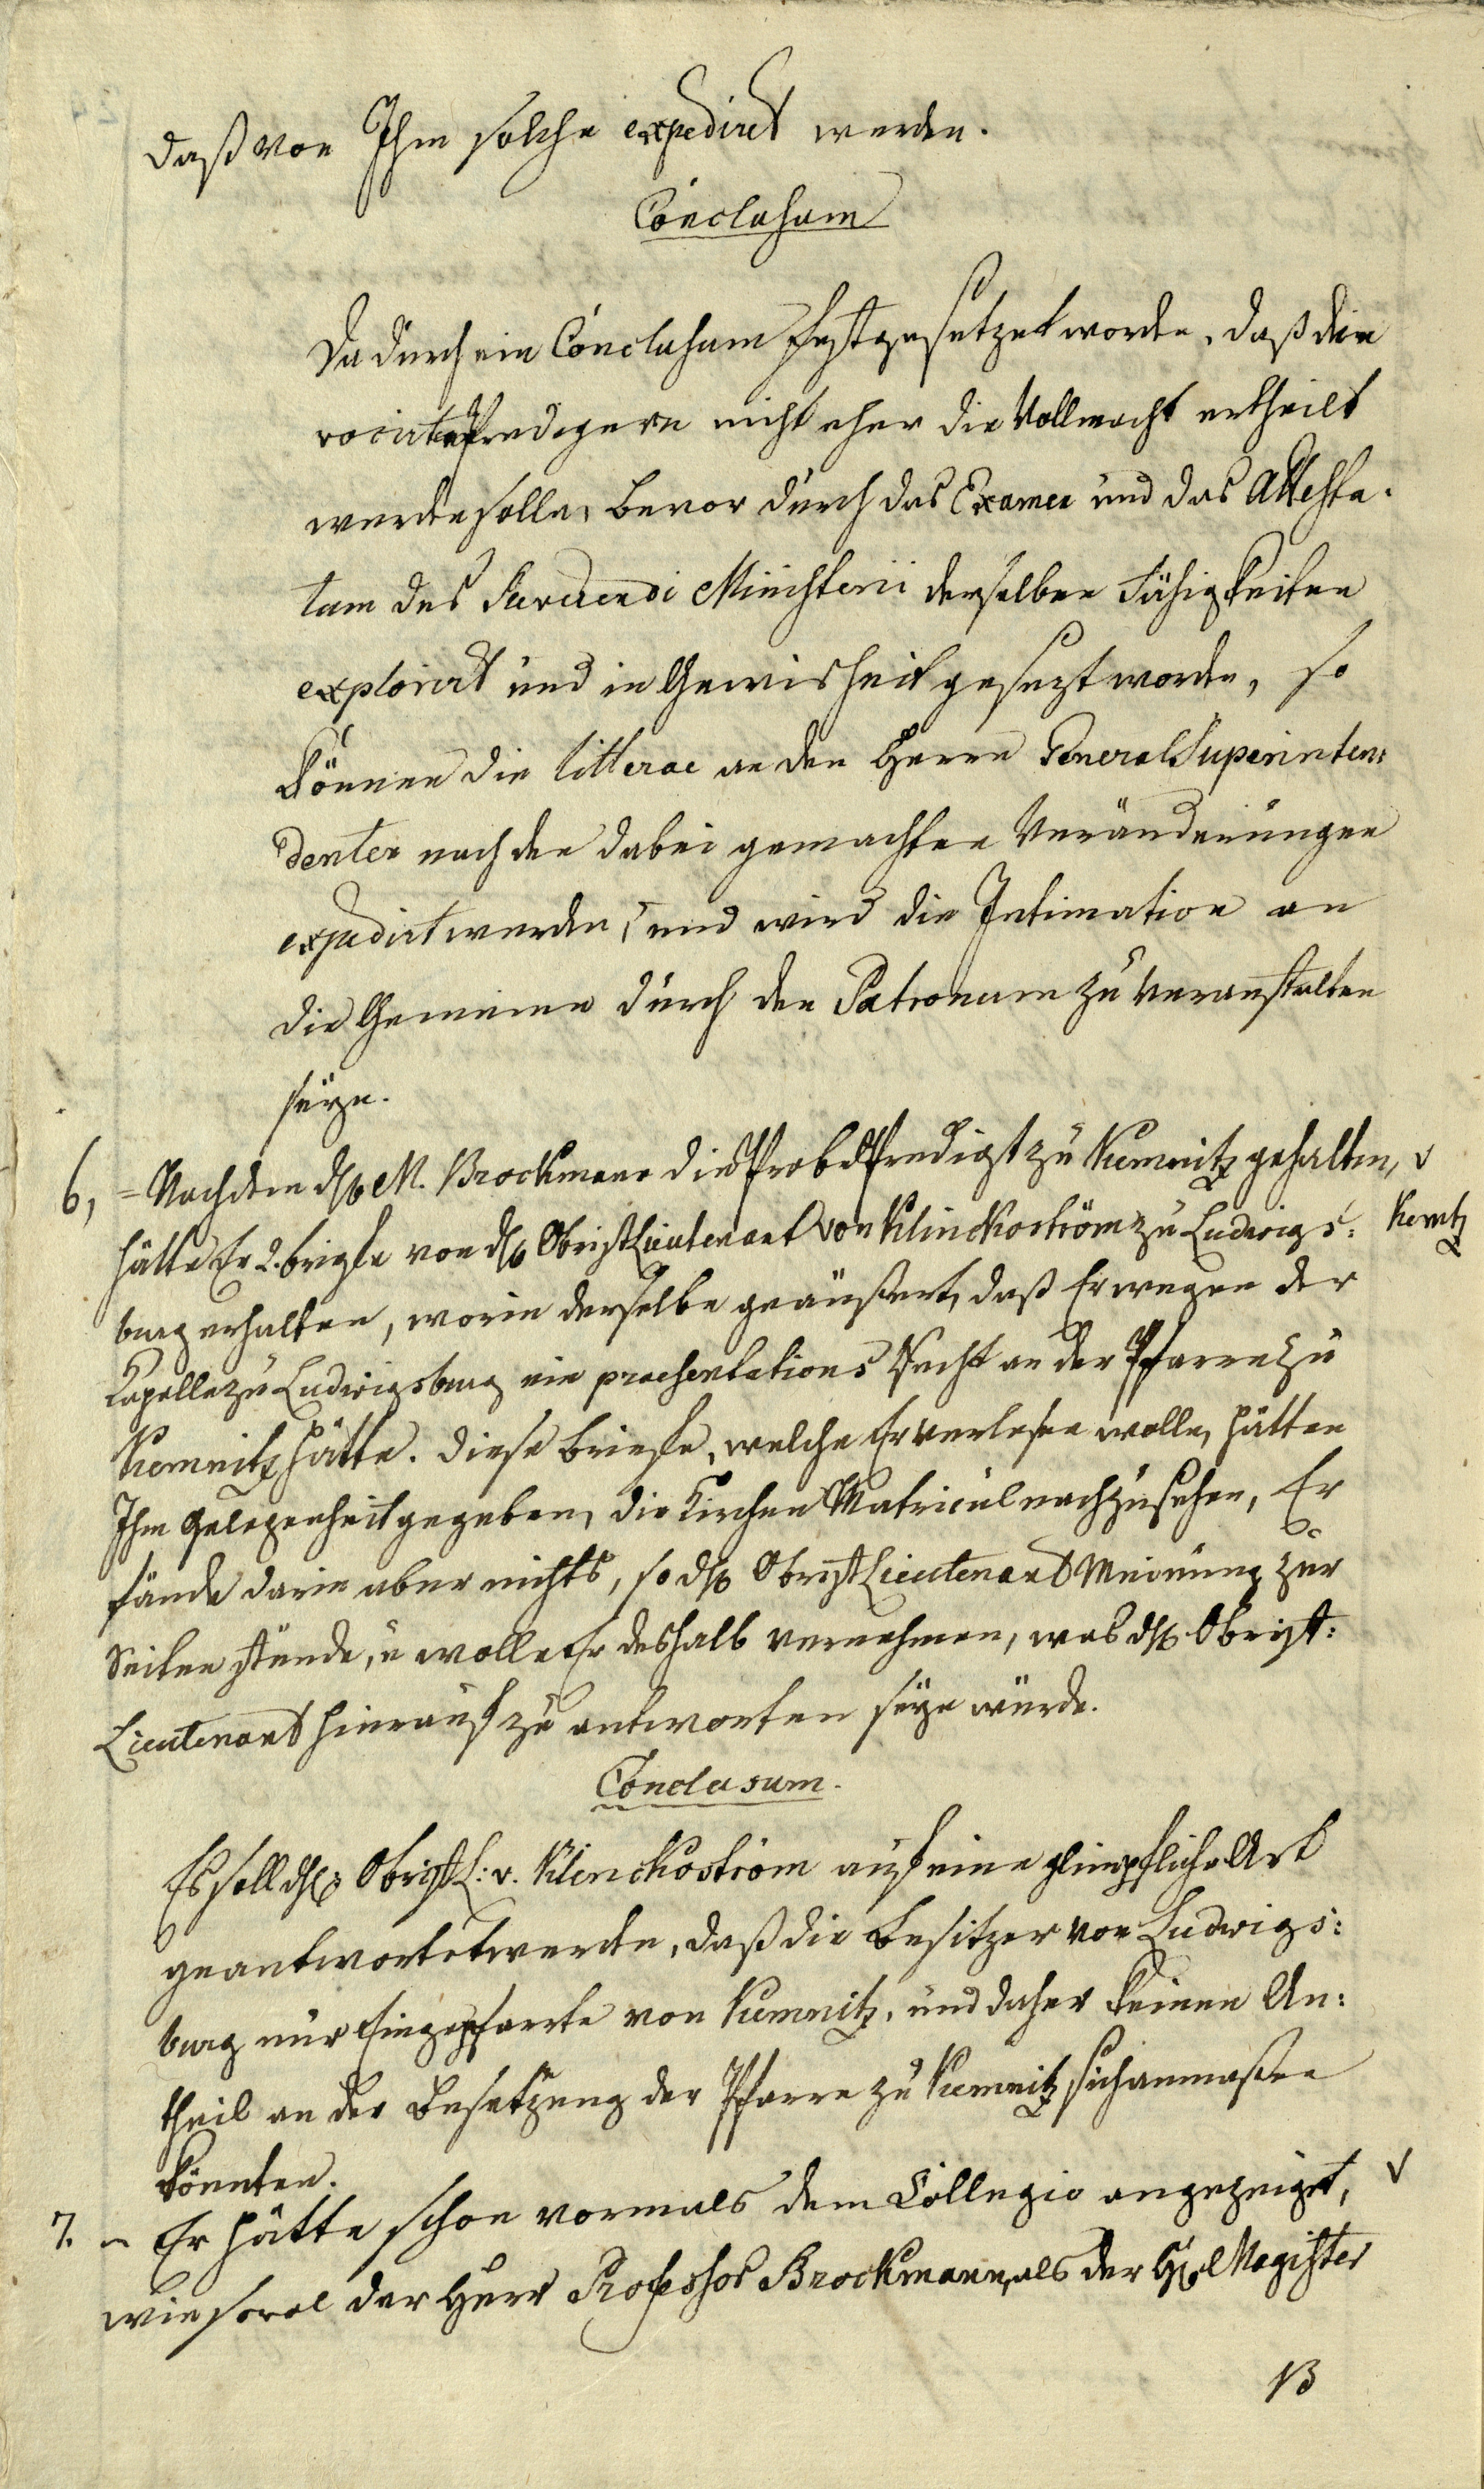daß von Ihm solche expediret werden.
Conclusum
da das Conlusum festgesetzet worden, daß den
votirten Predigern nicht eher die Vollmacht ertheilt
werden solle, bevor durch das Examen und das Attesta¬
tum des Servendi Ministerii derselben Fähigkeiten
explirirt und in Gewisheit gesezt worden, so
können die litterae an den herrn General Superinten¬
denten nach den dabei gemachten Veränderungen
expedirt werden, und wird die Intimation an
die Gemeine durch den Patronum zu veranstalten
seÿn.
6, = Nachdem dH M. Brockmann die Prebe Predigt zu Kemnitz gehalten,
Hätte Er 2. briefe von dH Obristlieutenant von Klinckoström zu Ludwigs¬
burg erhalten, worin derselbe geäußert, daß Er wegen der
Kapelle zu Ludwigsburg ein praesentations Recht an der Pfarre zu
Kemnitz hätte. Diese Briefe, welche Er verlesen wolle, hätten
Ihm Gelegenheit gegeben, die Krichen Matricul nachzusehen, Er
fände darin aber nichts, so dH ObrtistLieutenant Meinung zur
Seiten stünde, u wolle er deshalb vernehmen, was dH Obrist¬
Lieutenant hierauf zu antworten seÿn würde.
Conclumsum.
Es soll dH Obrist L: v. Klinckoström auf eine glimpfliche Art
geantwortet werden, daß die Besitzer von Ludwigs¬
burg nur Eingepfarrte von Kemnitz, und daher keinen An¬
theil an der Besetzung der Pfarre zu kemnitz sich anmaßen
könnten.
7. - Er hätte schon vormals dem Collegio angezeiget,
wie sowol der Herr Professor Brockmann, als der H Magister
B